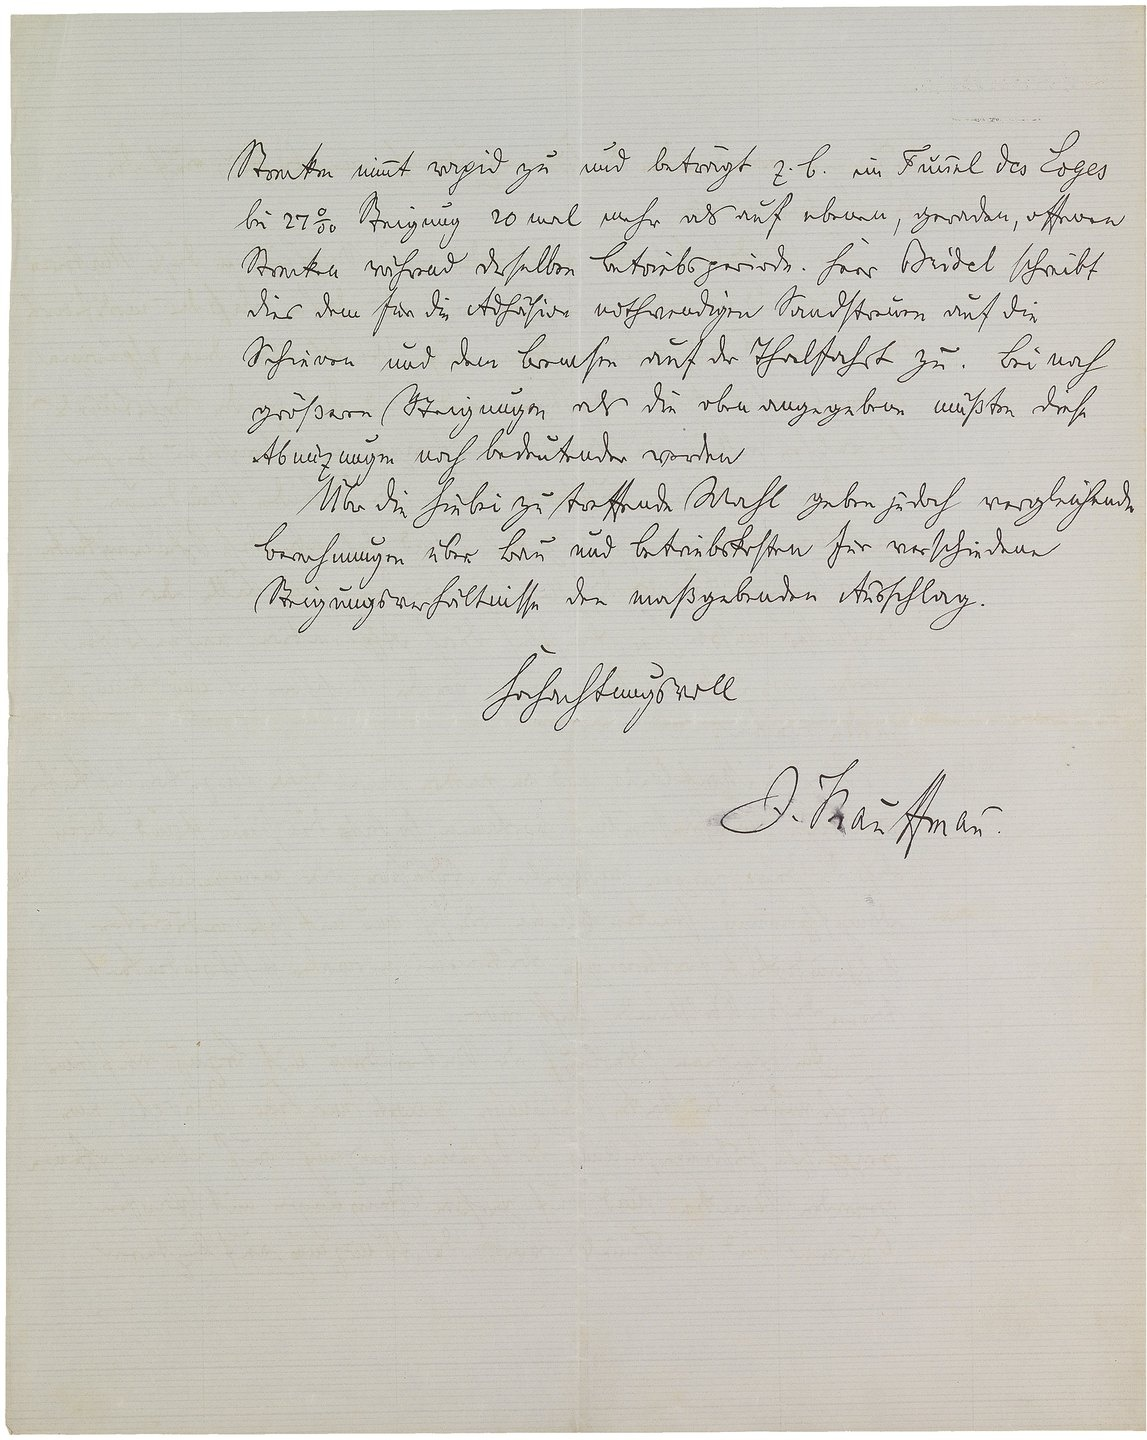Strecken nimmt rapid zu und beträgt z. B. im Tunnel des Loges
bei 27‰ Steigung 20 mal mehr als auf ebenen, geraden, offenen
Strecken während derselben Betriebsperiode. Herr Bridel schreibt
dies dem für die Adhäsion nothwendigen Sandstreuen auf die
Schienen und dem Bremsen auf der Thalfahrt zu. Bei noch
größeren Steigungen als die oben angegebnen müßten diese
Abnüzungen noch bedeutender werden.
Über die hiebei zu treffende Wahl geben jedoch vergleichende
Berechnungen über Bau und Betriebskosten für verschiedene
Steigungsverhältnisse den maßgebenden Ausschlag.
Hochachtungsvoll
J. Kauffmann.